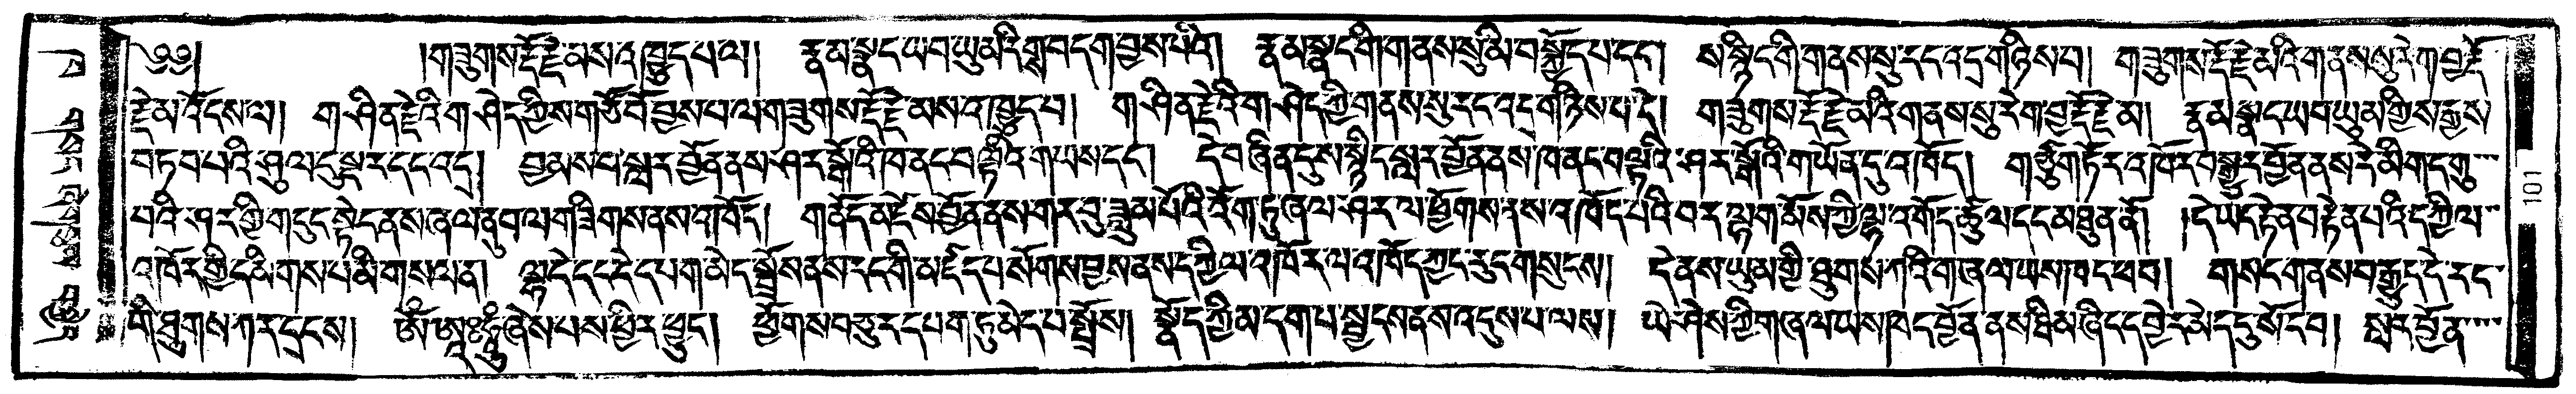༄༅། །གཟུགས་རྡོ་རྗེ་མས་འཁྱུད་པ་ལ། རྣམ་སྣང་ཡབ་ཡུམ་རིགས་བདག་བྱས་པའི། རྣམ་སྣང་གི་གནས་སུ་མི་བསྐྱོད་པ་དང་། ས་སྙིང་གི་གནས་སུ་རང་འདྲ་གཉིས་པ། གཟུགས་རྡོ་རྗེ་མའི་གནས་སུ་རེག་བྱ་རྡོ་
རྗེ་མ་འོངས་ལ། གཤིན་རྗེའི་གཤེད་ཀྱིས་གཙོ་བོ་བྱས་པ་ལ་གཟུགས་རྡོ་རྗེ་མས་འཁྱུད་པ། གཤིན་རྗེའི་གཤེད་ཀྱི་གནས་སུ་རང་འདྲ་གཉིས་པ་དེ། གཟུགས་རྡོ་རྗེ་མའི་གནས་སུ་རེག་བྱ་རྡོ་རྗེ་མ། རྣམ་སྣང་ཡབ་ཡུམ་གྱིས་རྒྱས་
བཏབ་པའི་ཤུལ་དུ་སྔར་དང་འདྲ། བྱམས་པ་སླར་བྱོན་ནས་ཤར་སྒོའི་ཁ་ནང་བལྟའི་གཡས་དང་། དེ་བཞིན་དུས་སྙིང་སླར་བྱོན་ནས་ཁ་ནང་བལྟའི་ཤར་སྒོའི་གཡོན་དུ་འཁོད། གཙུག་ཏོར་འཁོར་བསྒྱུར་བྱོན་ནས་རེ་མིག་དགུ་
པའི་ཤར་གྱི་གདུང་སྟེང་ནས་ཞལ་ནུབ་ལ་གཟིགས་ནས་འཁོད། གནོད་མཛེས་བྱོན་ནས་གར་བུ་ཟླུམ་པོའི་འོག་ཏུ་ཞལ་ཤར་ལ་ཕྱོགས་ནས་འཁོད་པའི་བར་ལྷག་མོས་ཀྱི་ལྷ་འགོད་ཚུལ་དང་མཐུན་ནོ། །དེ་ཡང་རྟེན་བརྟེན་པའི་དཀྱིལ་
འཁོར་གྱི་དམིགས་པ་མི་གསལ་ན། ལྷ་དེ་དང་དེ་དཔག་མེད་སྤྲོས་ནས་རང་གི་མཛད་པ་སོགས་བྱས་ནས་དཀྱིལ་འཁོར་ལ་འཁོད་ཀྱང་རུང་གསུངས། དེ་ནས་ཡུམ་གྱི་ཐུགས་ཀའི་གཞལ་ཡས་ཁང་ཕབ། གསང་གནས་བརྒྱུད་དེ་རང་
གི་ཐུགས་ཀར་དྲངས། ཨོཾ་ཨཱཿཧཱུཾ་ཞེས་པས་ཕྱིར་ཕྱུང་། ཕྱོགས་བཅུར་དཔག་ཏུ་མེད་པ་སྤྲོས། སྣོད་ཀྱི་མ་དག་པ་སྦྱངས་ནས་འདུས་པ་ལས། ཡེ་ཤེས་ཀྱི་གཞལ་ཡས་ཁང་བྱོན་ནས་ཐིམ་ཞིང་དབྱེར་མེད་དུ་སོང་བ། སླར་བྱོན་